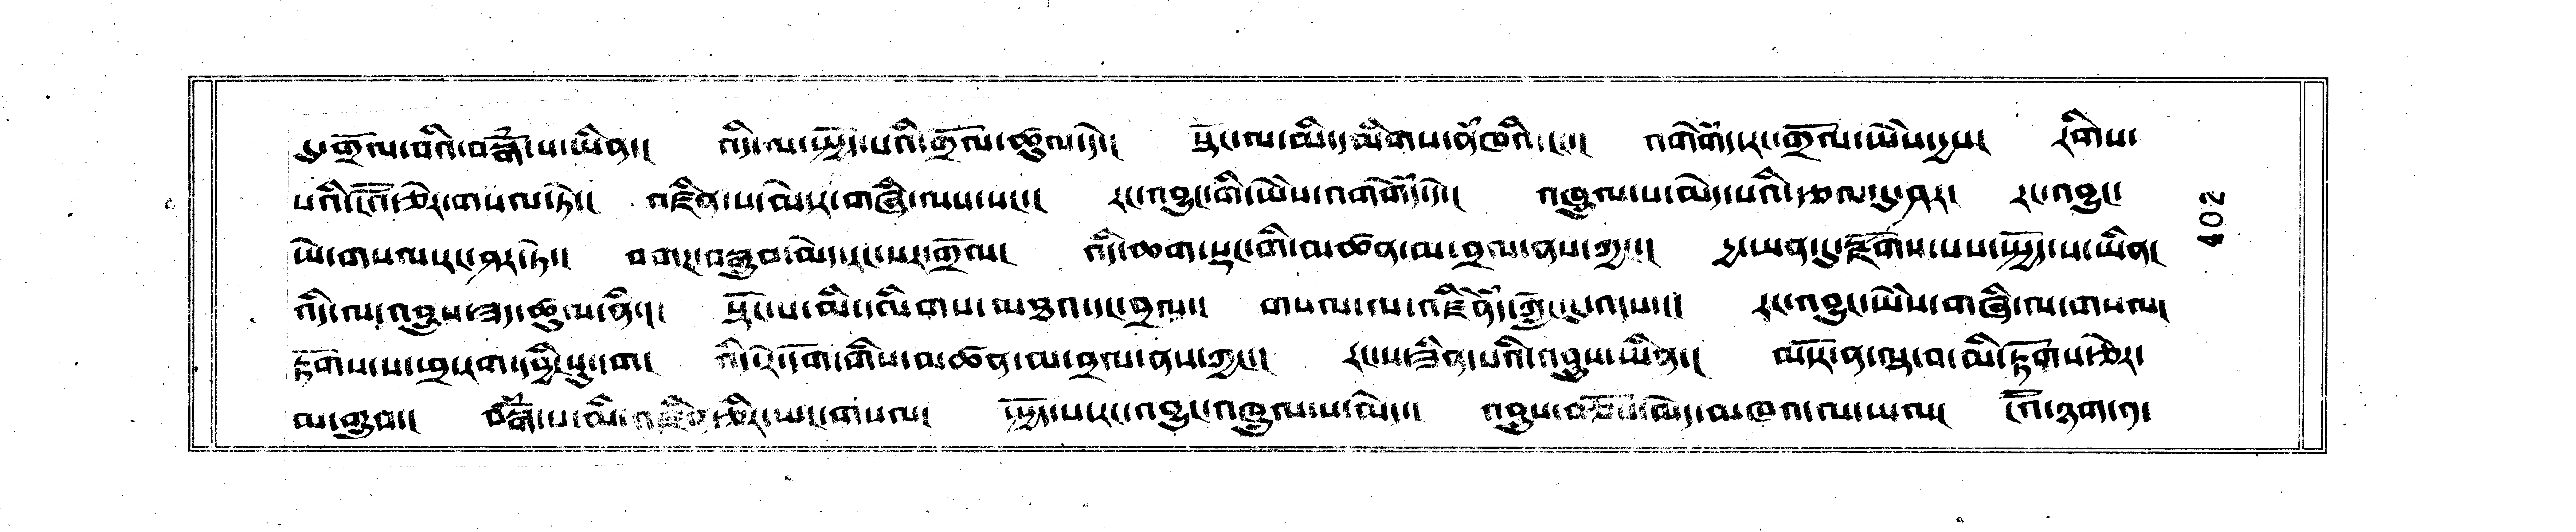དུ་གྲོལ་བའི་སྒོམས་པ་ཡིན། འདི་ལ་སྤྱོད་པའི་གྲོལ་ཚུལ་སྟེ། སྟོང་ལ་མི་དམིགས་ནམ་མཁའི་ངང་། གྷག་(འགག)མེད་རང་གྲོལ་ཡེ་ཤེས་རྒྱས། རིག་
པའི་ངོའོ་ཅིར་ཡང་གསལ། འཛིན་པ་མེད་པས་གཞི་ལས་སངས། རང་འབྱུང་གིས་‘‘ཡེ་ཤེས”འགག་མེད་འདི། འཁྲུལ་པ་མེད་པས་རྩལ་དུ་ཤར། ཡེ་འབྱུང་
ཡེ་གསལ་རང་ཤར་ཏེ། བཀག་བསྒྲུབ་མེད་པར་རང་སར་གྲོལ། འདི་ཆགས་སྡང་གིས་མཚན་མ་དང་བྲལ་ནས་ཀྱང་། རྒྱ་ཡན་དུ་རྫོགས་པའི་སྤྱོད་པ་ཡིན།
 འདི་ལ་འབྲས་བུའི་ཟད་ཚུལ་ནི། སྟོང་པ་མི་དམིགས་མཐའ་དང་བྲལ། གསལ་ལ་འཛིན་མེད་ཀློང་དུ་འདས། རང་འབྱུང་ཡེ་ཤེས་གཞི་ལས་གསལ། 
རྟོག་པ་ཕྲ་རག་དབྱིངས་སུ་དག འདི་རེ་དོག་གཉིས་ཀྱི་མཚན་མ་བྲལ་ནས་ཀྱང་། རང་ས་ཟིན་པའི་འབྲས་བུ་ཡིན། མདོར་ན་ལྟ་བ་མི་རྟོགས་ཅིར་
མ་གྲུབ། སྒོམས་པ་མི་འཛིན་ཅིར་ཡང་གསལ། སྤྱོད་པ་རང་འབྱུང་འཁྲུལ་པ་མེད། འབྲས་བུ་བཅོས་མེད་མཁའ་ལ་ཡལ། ངོའོ་ཉག་ཅིག་